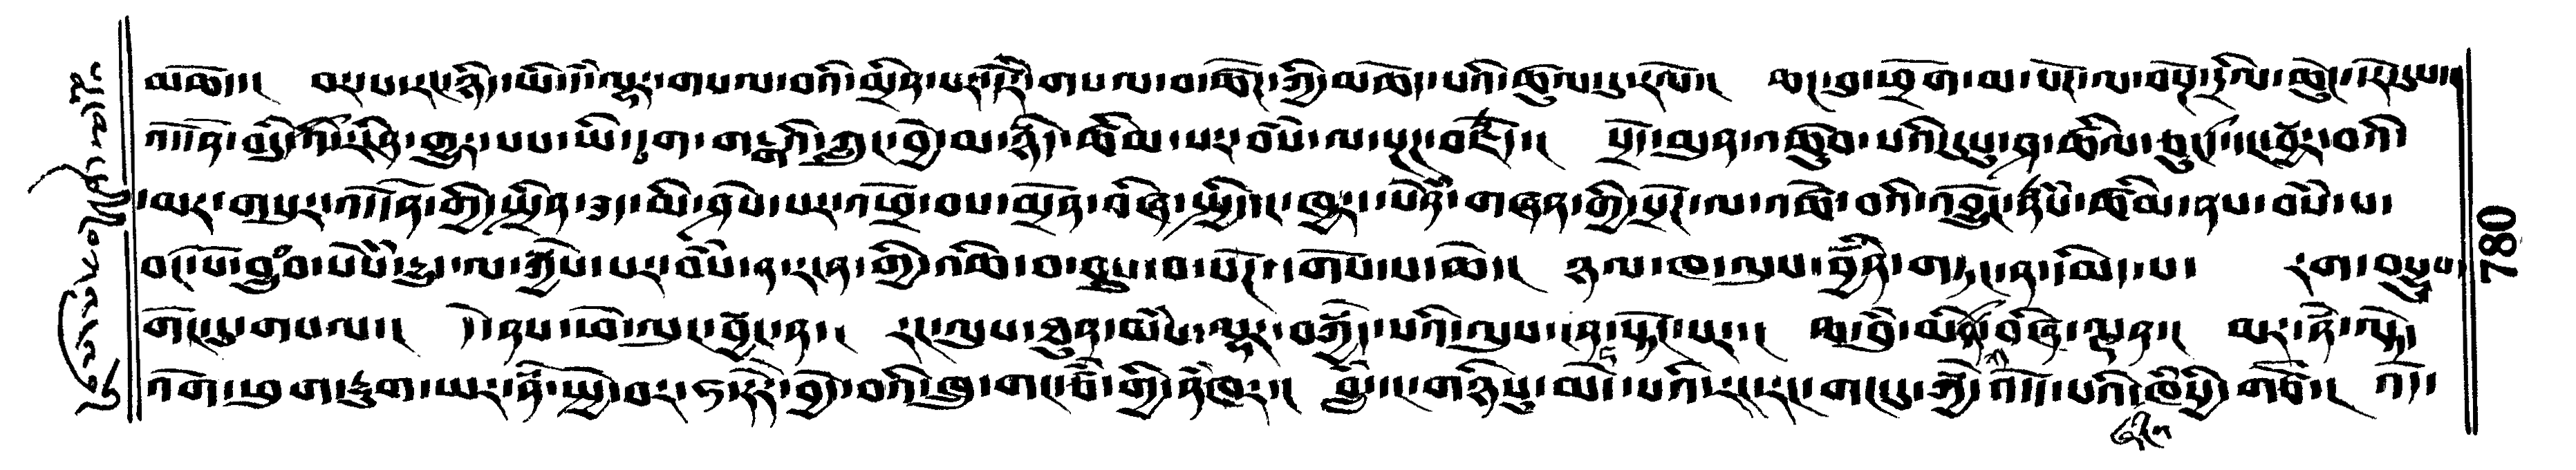མཆོད། བར་པ་རང་ཉིད་ཡི་དམ་ལྷར་གསལ་བའི་མགྲིན་པར་དཀྱིལ་འཁོར་གསལ་བ་ཚོགས་ཀྱི་མཆོད་པའི་ཚུལ་དུ་རོལ། ཆང་བུ་ཕྲོག་མ་སོགས་ལ་བསྔོ། དྲི་ཆེ་ཆུང་དོར་དུས་
འདོད་ཡོན་བདུད་རྩིའི་རང་བཞིན་གྱུར་པས་ཡི་དྭགས་གངྒའི་ཀླུང་བྱེ་མ་སྙེད་ཚིམ་པར་བསམ་ལ་སྔགས་བརྗོད། སྲོད་མུན་ཚུབ་པའི་དུས་སུ་ཤ་ཚིལ་ཅུང་ཟད་དང་སྦྱར་བའི་
དམར་གསུར་འདོད་ཡོན་གྱི་སྤྲིན་ཟད་མི་ཤེས་པར་འཕྲོ་བས་མགྲོན་བཞི་སྤྱི་དང་ཁྱད་པར་སེམས་ཅན་གཞན་གྱི་སྲོག་ལ་འཚེ་བའི་འབྱུང་པོ་རྣམས་ཚིམ་ནས་བསམ་པ་
བཟང་པོ་བྱང་ཆུབ་སེམས་རྒྱུད་ལ་སྐྱེས་པར་བསམ་ན་རང་གཞན་གྱི་འཆི་བསླུ་བ་སོགས་དགོས་པ་ཆེ། ཉལ་ཁར་ལུས་སྦྱིན་གཏང་ན་དམིགས་པ། རགས་བསྡུས་
གོང་དུ་གསལ། དེ་ནས་འཕོ་ལུང་སྦྱང་ན། རང་ལུས་ཐུན་མཚམས་ལྷར་བསྐྱེད་པའི་ལུས་ནང་སྟོང་པར། རྩ་དབུ་མ་མཚན་ཉིད་བཞི་ལྡན། མར་སྣེ་ལྟེ་
འོག་ཕུག་རྡུག་ཡར་སྣེ་སྤྱི་བོར་ཧ་རེར་བྱེ་བའི་ཁྲུ་གང་ཙམ་གྱི་ནམ་མཁར། བླ་མ་དང་གཉིས་སུ་མེད་པའི་རང་རང་གང་དུ་སྐྱེད་འདོད་པའི་ཞིང་ཁམས་ཀྱི་གཙོ་བོ། འོད་